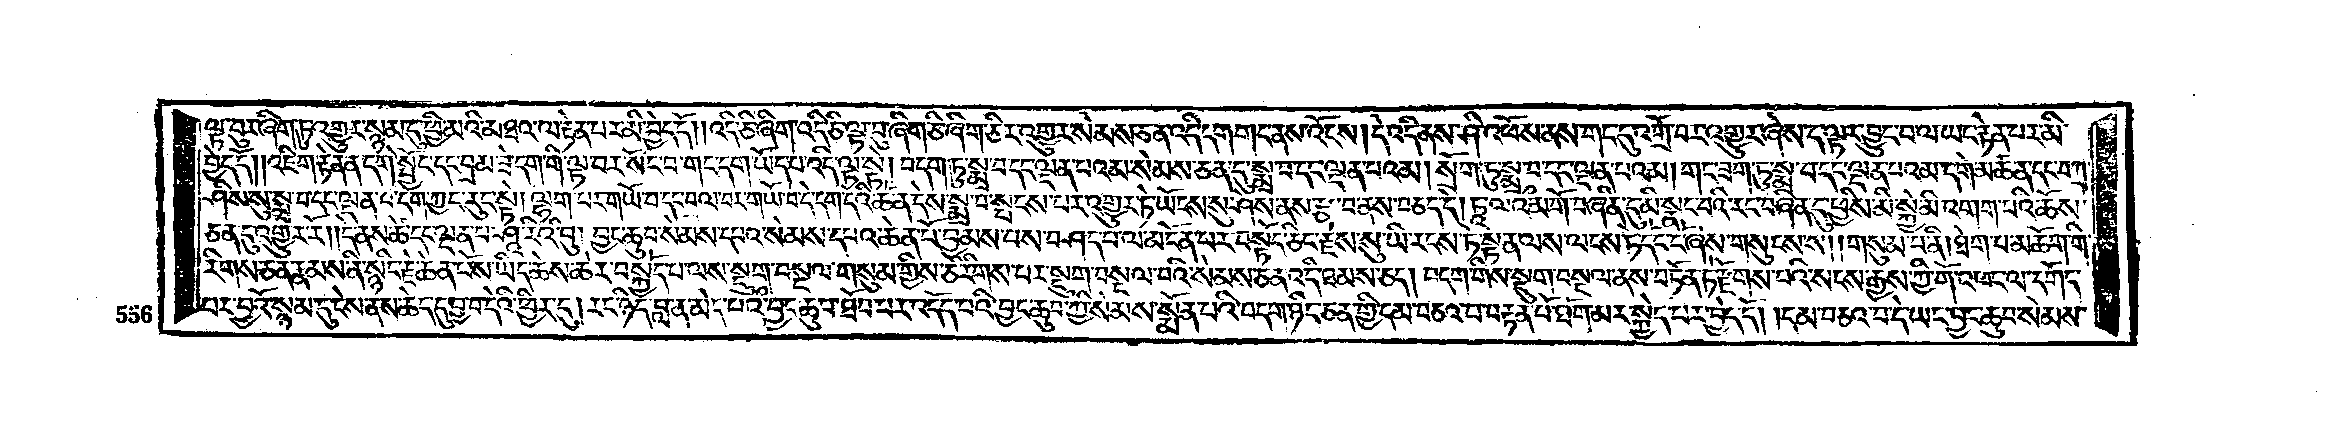ལྟ་བུར་ཞིག་ཏུ་འགྱུར་སྙམ་དུ་ཕྱི་མའི་མཐའ་ལ་རྟེན་པར་མི་བྱེད་དོ། །འདི་ཅི་ཞིག་འདི་ཅི་ལྟ་བུ་ཞིག་ཅི་ཞིག་ཅིར་འགྱུར་སེམས་ཅན་འདི་དག་གང་ནས་འདོངས། དེ་འདི་ནས་ཤི་འཕྱོགས་ནས་གང་དུ་འགྲོ་བར་འགྱུར་ཞེས་དེ་ལྟར་བྱུང་བ་ལ་ཡང་རྟེན་པར་མི་
བྱེད་དོ། །འཇིག་རྟེན་ན་དགེ་སྤྱོང་དང་བྲམ་ཟེ་དག་གི་ལྟ་བར་སོང་བ་གང་དག་ཡོད་པ་འདི་ལྟ་སྟེ། བདག་ཏུ་སྨྲ་བ་དང་ལྡན་པའམ་སེམས་ཅན་དུ་སྨྲ་བ་བ་དང་ལྡན་པ་འམ། སྲོག་ཏུ་སྨྲ་བ་དང་ལྡན་པའམ་གང་ཟག་ཏུ་སྨྲ་བ་དང་ལྡན་པའམ་དགེ་མཆེན་དང་བཀྲ་
ཤིས་སུ་སྨྲ་བ་དང་ལྡན་པ་དག་ཀྱང་རུང་སྟེ། ལྷག་པར་གཡོ་བ་དང་བྲལ་བར་གཡོ་བ་དེ་དག་དེའི་ཚེ་ན་དེས་སྨྲ་བ་སྤངས་པར་འགྱུར་ཏེ་ཡོངས་སུ་ཤེས་ནས་རྩ་བ་ནས་བཅད་དེ། ཏཱ་ལཱྀ་མགོ་བཞིན་དུ་མི་སྣང་བའི་རང་བཞིན་དུ་ཕྱིས་མི་སྐྱ་མི་འགག་པའི་ཆོས་
ཅན་དུ་འགྱུར་རོ། །དེ་ནས་ཚེ་དང་ལྡན་པ་ཤཱ་རིའི་པུ། བྱང་ཆུབ་སེམས་དཔའ་སེམས་ཆེན་པོ་བྱམས་པས་བཤད་པ་ལ་མངོན་པར་བསྟོད་ཅིང་རྗེས་སུ་ཡི་རངས་ཏེ་སྟེན་ལས་ལངས་ཏེ་དོང་ངོ་ཞེས་གསུངས་སོ། །གསུམ་པ་ནི། ཐེག་པ་མཆོག་གི་
རིགས་ཅན་རྣམས་ནི་སྙིང་རྗེ་ཆེན་པོས་ཡིད་ཆེས་ཆེར་བསྐྱོད་པ་ལས་སྡུག་བསྔལ་གསུམ་གྱིས་ཅི་རིགས་པར་སྡུག་བསྔལ་བའི་སེམས་ཅན་འདི་ཐམས་ཅད། བདག་གི་སྡུག་བསྔལ་ནས་བཏོན་ཏེ་རྫོགས་པའི་སངས་རྒྱས་ཀྱི་གོ་འཕང་ལ་དགོད་
པར་བྱའོ་སྙམ་དུ་ངེས་ནས་ཆེད་དུ་བྱ་བ་དེའི་ཕྱིར་དུ། རང་ཉིད་བླ་ན་མེད་པཱྀ་བྱང་ཆུབ་ཐོབ་པར་འདོད་པའི་བྱང་ཆུབ་ཀྱི་སེམས་སྨོན་པའི་བདག་ཉིད་ཅན་གྱི་དམ་བཅའ་བ་བརྟན་པོ་ཐོག་མར་སྐྱེད་པར་བྱེད་དོ། །དམ་བཅའ་བ་དེ་ཡང་བྱང་ཆུབ་སེམས་